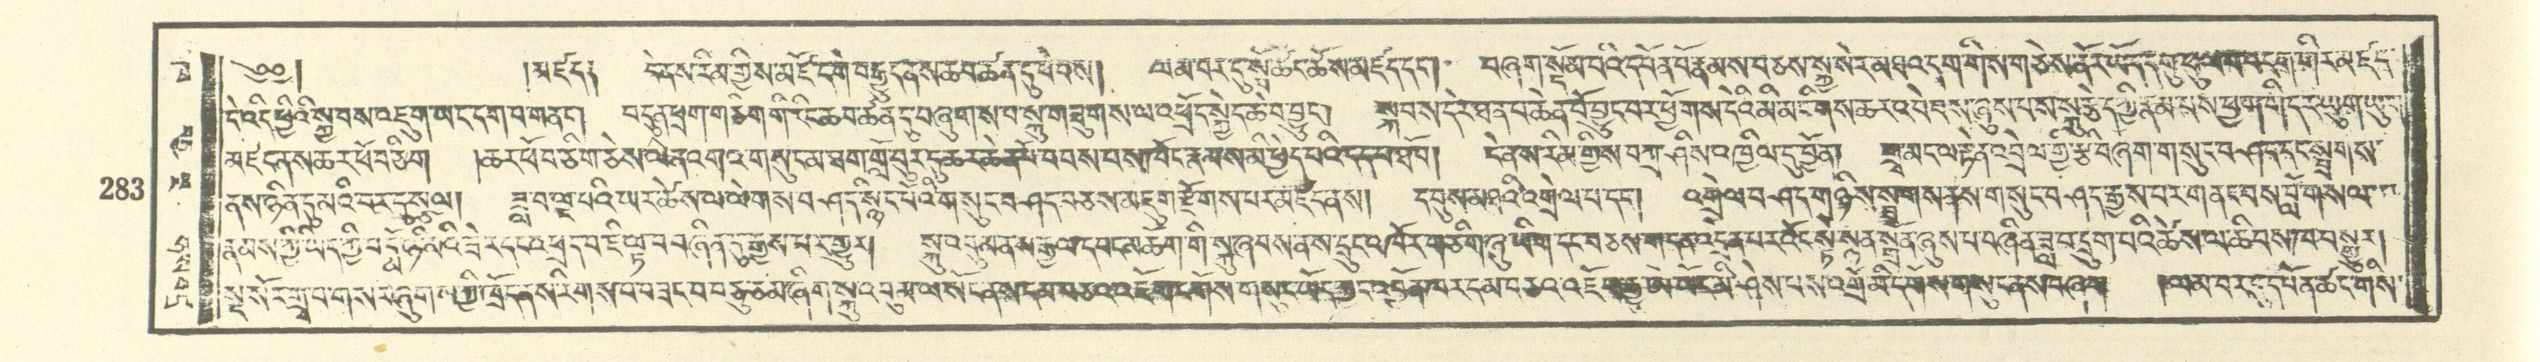༄༅། །མཛད༑ དེ་ནས་རིམ་གྱིས་མཛོ་དགེ་བརྒྱུད་ནས་ཆབ་ཚན་དུ་ཕེབས། ལམ་བར་དུ་སྦོ་ཚང་ཆོས་མཛད་དང་། བཞག་སྡོམ་པའི་དཔོན་པོ་རྣམས་བཅས་སྐྱ་སེར་མཐའ་དག་གིས་གཅེས་ནོར་ཡོད་དགུ་ཕུལ་བ་བདག་གིར་མཛད་
དེ་འདི་ཕྱིའི་སྐྱབས་འཇུག་ཡང་དག་པ་གནང་། བདུན་ཕྲག་གཅིག་གི་རིང་ཆབ་ཚན་དུ་བཞུགས་པ་སྐུ་གཟུགས་ལ་འཕྲོད་སྐྱེད་ཆེ་བ་བྱུང་། སྐབས་དེར་ཐན་པ་ཆེན་པོ་བྱུང་བར་ཕྱོགས་དེའི་མི་མང་གིས་ཆར་འབེབས་ཞུས་པས་སྐུ་རྩེད་ཀྱི་རྣམ་པས་ཕྱག་གི་དར་ཡུག་ཡུག་
མཛད་ནས་ཆར་ཕོབ་ཅིག །ཆར་ཕོབ་ཅིག་ཅེས་ལན་འགའ་གསུང་མ་ཐག་གློ་བུར་དུ་ཆར་ཆེན་པོ་བབས་པས་ཁོང་རྣམས་མི་ཕྱེད་པའི་དད་པ་ཐོབ། དེ་ནས་རིམ་གྱིས་བཀྲ་ཤིས་འཁྱིལ་དུ་བྱོན། གྲྭ་མང་ལ་རྟེན་འབྲེལ་གྱི་རྩི་བཞག་གསུང་བཤད་དང་སྦྲགས་
ནས་ཉིན་དུ་མའི་བར་དུ་སྩལ། ཟླ་བ་ལྔ་པའི་ཡར་ཚེས་ལ་ལེགས་བཤད་སྙིང་པོའི་གསུང་བཤད་བཅས་མཇུག་རྫོགས་པར་མཛད་ནས། དབུས་མཐའི་འགྲེལ་པ་དང་། འགྲེལ་བཤད་གཉིས་སྦྲགས་ནས་གསུང་བཤད་རྒྱས་པར་གནང་བས་བློ་གསལ་
རྣམས་ཀྱི་ཡིད་ཀྱི་པདམོ་ཉི་མའི་ཟེར་དང་འཕྲད་པ་ཇི་ལྟ་བ་བཞིན་དུ་རྒྱས་པར་གྱུར། སྐུ་འབུམ་ནས་རྒྱལ་དབང་མཆོག་གི་སྐུ་ཞབས་ནས་དྲུང་འཁོར་གཅིག་ཞུ་ཡིག་དང་བཅས་གདན་འདྲེན་པར་འོང་སྟེ་སྙན་སྒྲོན་ཞུས་པ་བཞིན་ཟླ་བ་དྲུག་པའི་ཚེས་ལ་ཆིབས་ཁ་བསྒྱུར།
སྔ་སོར་གྲྭ་པ་གསར་ཞུགས་ཀྱི་ཁྲོད་ནས་རིགས་པ་བཟང་པ་བཅུ་ཙམ་ཞིག་སྐུ་འབུམ་ལ་སོང་ནས་དམ་བཅའ་འཇོག་དགོས་གསུང་ཡོད་ཀྱང་འབྱོན་ཁར་དམ་བཅའ་འཇོག་རྒྱུ་ཨེ་ཡོང་མི་ཤེས་པས་འགྲོ་མི་དགོས་གསུང་ནས་བཞག །ལམ་བར་དུ་དཔོན་ཚང་གིས་